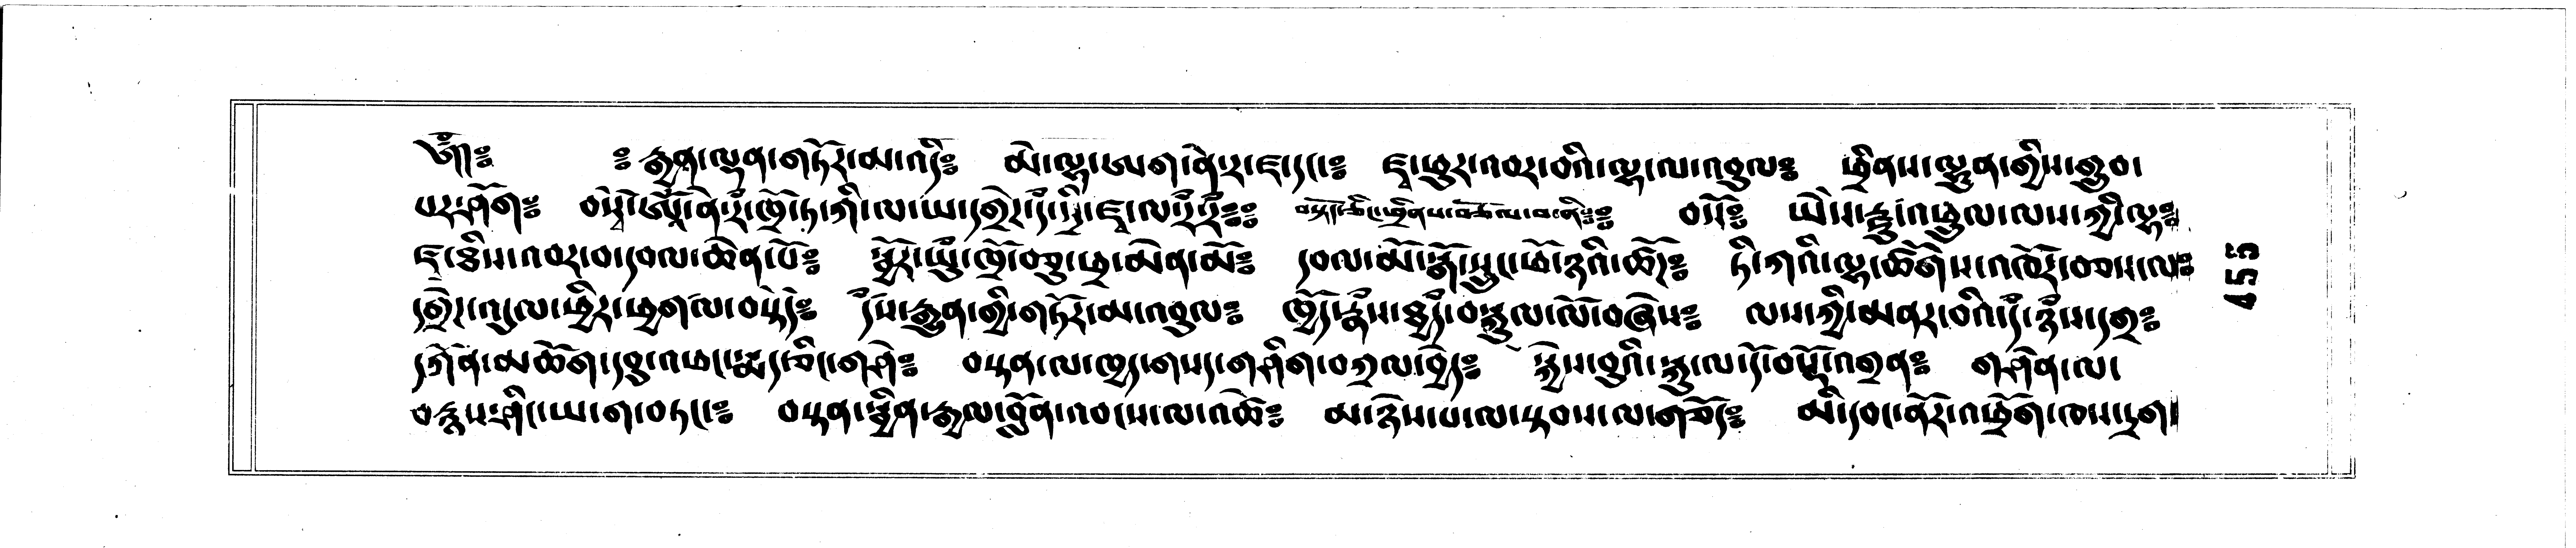༔རྒྱན་ལྡན་གཏོར་མ་འདི༔མེ་ལྷ་ཨག་ནེ་ར་ཛྭ་དང༔ཛྭ་ཕུར་འབར་བའི་ལྷ་ལ་འབུལ༔ཕྲིན་ལས་ལྷུན་གྱིས་གྲུབ་
པར་ཤོག༔བསྭོ་ཨཱོཾ་ནེ་རཾ་ཁྲོ་ཏ་ཀི་ལ་ཡ་དགྲེགས་དམ་སྲི་ཛ་ལ་རཾ་རཾ༔༔བསྟོད་ཅིང་ཕྲིན་ལས་བཅོལ་བ་ནི༔༔བསྭོ༔ཡེ་ཤེས་རྫུ་འཕྲུལ་ལས་ཀྱི་ལྷ༔
ཛྭ་ཐིས་འབར་བ་དབལ་ཆེན་པོ༔སྦྱོར་ཡུམ་ཁྲོ་བཅུ་ཕྲ་མེན་མོ༔དབལ་མོ་སྒོ་སྲུང་ཕོ་ཉའི་ཚོགས༔ཏི་ཀའི་ལྷ་ཚོགས་འཁོར་བཅས་ལ༔
དགྲེགས་འདུལ་ཕྱིར་ཕྱག་འཚལ་བསྟོད༔དམ་རྫས་རྒྱུན་གྱི་གཏོར་མ་འབུལ༔ཁྱོད་རྣམས་ཐུགས་དམ་བསྐུལ་ལོ་བཞེས༔ལས་ཀྱི་མནར་བའི་དམ་ཉམས་དགྲ༔
དཀོན་མཆོག་དབུ་འཕང་སྨད་ཅིང་གཤེ༔བསྟན་ལ་ཁྱད་གསད་བཤིགས་བཀྲལ་བྱེད༔སྐྱེས་བུའི་སྐུ་ལ་དོ་བསྡོ་འགྲན༔གཤེན་ལ་
བརྙས་ཤིང་ཡ་ག་བཏང༔བསྟན་སྦྱིན་རྒྱལ་བློན་འབངས་ལ་འཚེ༔མ་ཉེས་པ་ལ་སྟབས་ལ་གཅོད༔མི་དབང་ནོར་འཕྲོག་ཁས་དྲག་